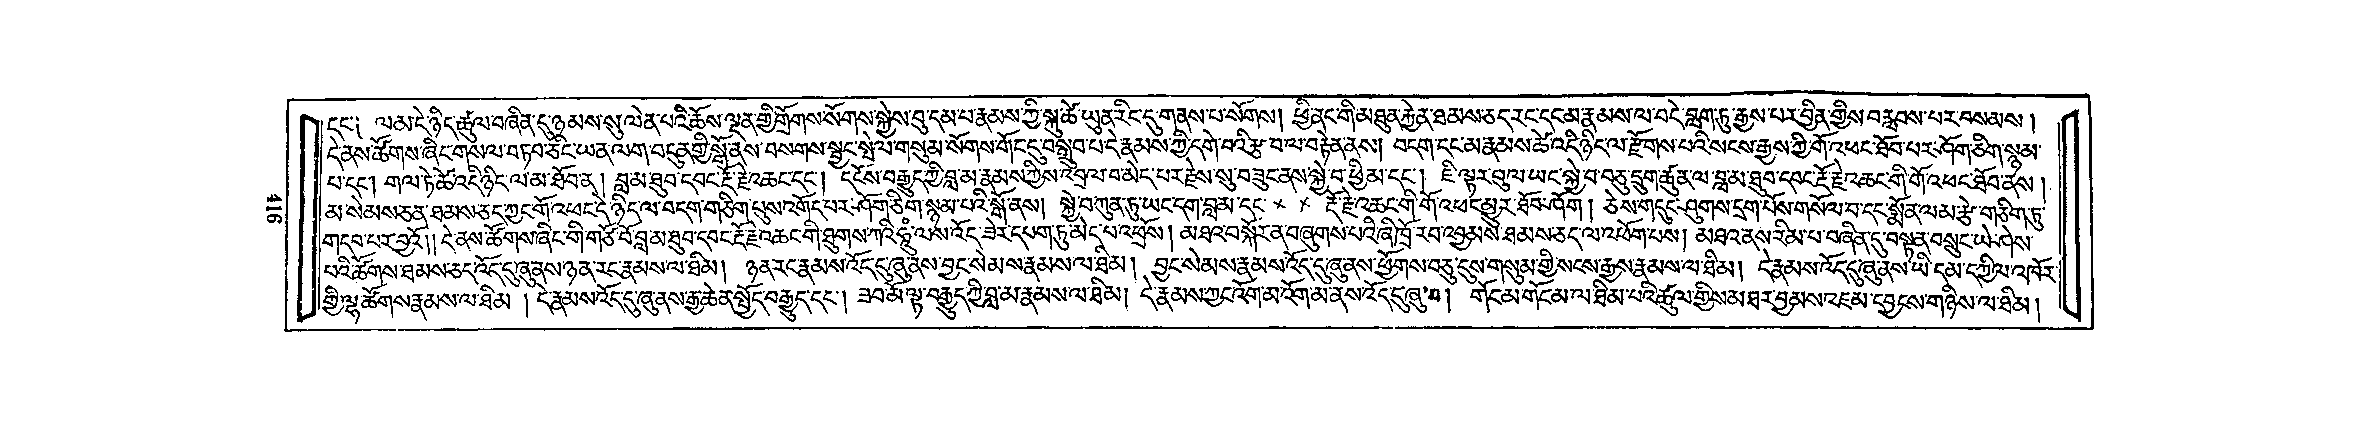དང་། ལམ་དེ་ཉིད་ཚུལ་བཞིན་དུ་ཉམས་སུ་ལེན་པའི་ཆོས་ལྡན་གྱི་གྲོགས་སོགས་སྐྱེས་བུ་དམ་པ་རྣམས་ཀྱི་སྐུ་ཚེ་ཡུན་རིང་དུ་གནས་པ་སོགས། ཕྱི་ནང་གི་མཐུན་རྐྱེན་ཐམས་ཅད་རང་དང་མ་རྣམས་ལ་བདེ་བླག་ཏུ་རྒྱས་པར་བྱིན་གྱིས་བརླབས་པར་བསམས།
དེ་ནས་ཚོགས་ཞིང་གསལ་བཏབ་ཅིང་ཡན་ལག་བདུན་གྱི་སྒོ་ནས་བསགས་སྦྱང་སྤེལ་གསུམ་སོགས་གོང་དུ་བསྒྲུབ་པ་དེ་རྣམས་ཀྱི་དགེ་བའི་རྩ་བ་ལ་བརྟེན་ནས། བདག་དང་མ་རྣམས་ཚེ་འདི་ཉིད་ལ་རྫོགས་པའི་སངས་རྒྱས་ཀྱི་གོ་འཕང་ཐོབ་པར་ཤོག་ཅིག་སྙམ་
པ་དང་། གལ་ཏེ་ཚེ་འདི་ཉིད་ལ་མ་ཐོབ་ན། བླ་མ་ཐུབ་དབང་རྡོ་རྗེ་འཆང་དང་། དངོས་བརྒྱུད་ཀྱི་བླ་མ་རྣམས་ཀྱིས་འབྲལ་བ་མེད་པར་རྗེས་སུ་བཟུང་ནས་སྐྱེ་བ་ཕྱི་མ་དང་། ཇི་ལྟར་བུ་ལ་ཡང་སྐྱེ་བ་བཅུ་དྲུག་ཚུན་ལ་བླ་མ་ཐུབ་དབང་རྡོ་རྗེ་འཆང་གི་གོ་འཕང་ཐོབ་ནས།
མ་སེམས་ཅན་ཐམས་ཅད་ཀྱང་གོ་འཕང་དེ་ཉིད་ལ་བདག་གཅིག་པུས་འགོད་པར་ཤོག་ཅིག་སྙམ་པའི་སྒོ་ནས། སྐྱེ་བ་ཀུན་ཏུ་ཡང་དག་བླ་མ་དང་྾་྾་རྡོ་རྗེ་འཆང་གི་གོ་འཕང་མྱུར་ཐོབ་ཤོག །ཅེས་གདུང་ཤུགས་དྲག་པོས་གསོལ་བ་དང་སྨོན་ལམ་རྩེ་གཅིག་ཏུ་
གདབ་པར་བྱའོ། །དེ་ནས་ཚོགས་ཞིང་གི་གཙོ་བོ་བླ་མ་ཐུབ་དབང་རྡོ་རྗེ་འཆང་གི་ཐུགས་ཀའི་ཧཱུཾ་ལས་འོད་ཟེར་དཔག་ཏུ་མེད་པ་འཕྲོས། མཐའ་བསྐོར་ན་བཞུགས་པའི་ཞི་ཁྲོ་རབ་འབྱམས་ཐམས་ཅད་ལ་འཕོག་པས། མཐའ་ནས་རིམ་པ་བཞིན་དུ་བསྟན་བསྲུང་ཡེ་ཤེས་
པའི་ཚོགས་ཐམས་ཅད་འོད་དུ་ཞུ་ནས་ཉན་རང་རྣམས་ལ་ཐིམ། ཉན་རང་རྣམས་འོད་དུ་ཞུ་ནས་བྱང་སེམས་རྣམས་ལ་ཐིམ། བྱང་སེམས་རྣམས་འོད་དུ་ཞུ་ནས་ཕྱོགས་བཅུ་དུས་གསུམ་གྱི་སངས་རྒྱས་རྣམས་ལ་ཐིམ། དེ་རྣམས་འོད་དུ་ཞུ་ནས་ཡི་དམ་དཀྱིལ་འཁོར་
གྱི་ལྷ་ཚོགས་རྣམས་ལ་ཐིམ། དེ་རྣམས་འོད་དུ་ཞུ་ནས་རྒྱ་ཆེན་སྤྱོད་བརྒྱུད་དང་། ཟབ་མོ་ལྟ་བརྒྱུད་ཀྱི་བླ་མ་རྣམས་ལ་ཐིམ། དེ་རྣམས་ཀྱང་འོག་མ་འོག་མ་ནས་འོད་དུ་ཞུ་བ། གོང་མ་གོང་མ་ལ་ཐིམ་པའི་ཚུལ་གྱིས་མཐར་བྱམས་འཇམ་དབྱངས་གཉིས་ལ་ཐིམ།